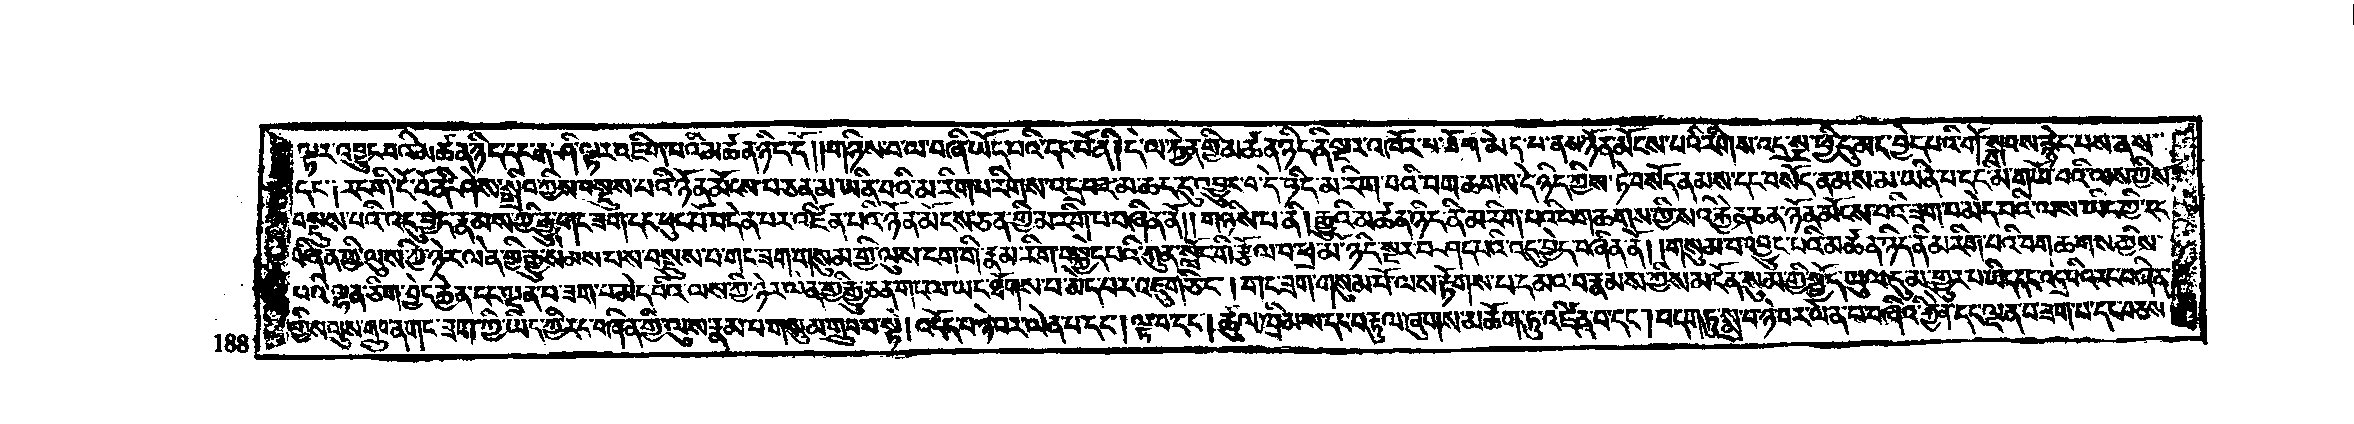ལྟར་འབྱུང་བའི་མཚན་ཉིད་དང་རྒ་ཤི་ལྟར་འཇིག་པའི་མཚན་ཉིད་དོ། །གཉིས་པ་ལ་བཞིན་ཡོད་པའི་དང་པོ་ནི། དེ་ལ་རྐྱེན་གྱི་མཚན་ཉིད་ནི་སྔར་འཁོར་བ་ཐོག་མེད་པ་ནས་ཉོན་མོངས་པའི་རིགས་འདྲ་སྔ་ཕྱི་དུ་མང་བྱེད་པའི་གོ་སྐབས་རྙེད་པས་ན་ས་
དང༑ རང་གི་ངོ་བོ་ནི་ཤེས་སྒྲིབ་ཀྱིས་བསྡུས་པའི་ཉོན་མོངས་པ་ཅན་མ་ཡིན་པའི་མ་རིག་པ་རིགས་འདྲ་བར་མ་ཆད་དུ་འབྱུང་བ་དེ་ཉིད་མ་རིག་པའི་བག་ཆགས་དེ་ཉིད་ཀྱིས་ཏེ་བསོད་ནམས་དང་བསོད་ནམས་མ་ཡིན་པ་དང་མི་གཡོ་བའི་ལས་ཀྱིས་
བསྡུས་པའི་འདུ་བྱེད་རྣམས་ཀྱི་རྒྱུ་གང་ཟག་དང་ཕུང་པོ་བདེན་པར་འཛིན་པའི་ཉོན་མོངས་ཅན་གྱི་མ་རིག་པ་བཞིན་ནོ། །གཉིས་པ་ནི། རྒྱུའི་མཚན་ཉིད་ནི་མ་རིག་པའི་བག་ཆགས་ཀྱི་སའི་རྐྱེན་ཅན་ཉོན་མོངས་པའི་ཟག་པ་མེད་པའི་ལས་ཡིད་ཀྱི་རང་
བཞིན་གྱི་ལུས་ཀྱི་ཉེར་ལེན་གྱི་རྒྱུ་སེམས་པས་བསྡུས་པ་གང་ཟག་གསུམ་གྱི་ལུས་ངག་གི་རྣམ་རིག་བསྐྱེད་པའི་ཀུན་སློང་གི་རྩོལ་བ་ཕྲ་མོ་ཉིད་སྔར་བཤད་པའི་འདུ་བྱེད་བཞིན་ནོ། །གསུམ་པ་འབྱུང་བའི་མཚན་ཉིད་ནི་མ་རིག་པའི་བག་ཆགས་ཀྱིས་
པའི་ལྷན་ཅིག་བྱེད་རྐྱེན་དང་ལྡན་པ་ཟག་པ་མེད་པའི་ལས་ཀྱི་ཉེར་ལེན་གྱི་རྒྱུ་ཅན་གང་ལ་ཡང་ཐོགས་པ་མེད་པར་འཇུག་ཅིང་། གང་ཟག་གསུམ་པོ་ལས་རྟོགས་པ་དམའ་བ་རྣམས་ཀྱིས་མངོན་སུམ་གྱི་སྤྱོད་ཡུལ་དུ་མ་གྱུར་པ་ཡིད་དང་འདྲ་བའི་རང་བཞིན་
གྱིས་ལུས་གྲུབ་ན་གང་ཟག་ཀྱི་ཡིད་ཀྱི་རང་བཞིན་གྱི་ལུས་རྣམ་པ་གསུམ་གྲུབ་པ་སྟེ། འདོད་པ་ཉེ་བར་ལེན་པ་དང་། ལྟ་བ་དང་། ཚུལ་ཁྲིམས་དང་བརྟུལ་ཞུགས་མཆོག་ཏུ་འཛིན་པ་དང་། བདག་ཏུ་སྨྲ་བ་ཉེ་བར་ལེན་པ་བཞིའི་རྐྱེན་དང་ལྡན་པ་ཟག་པ་དང་བཅས་